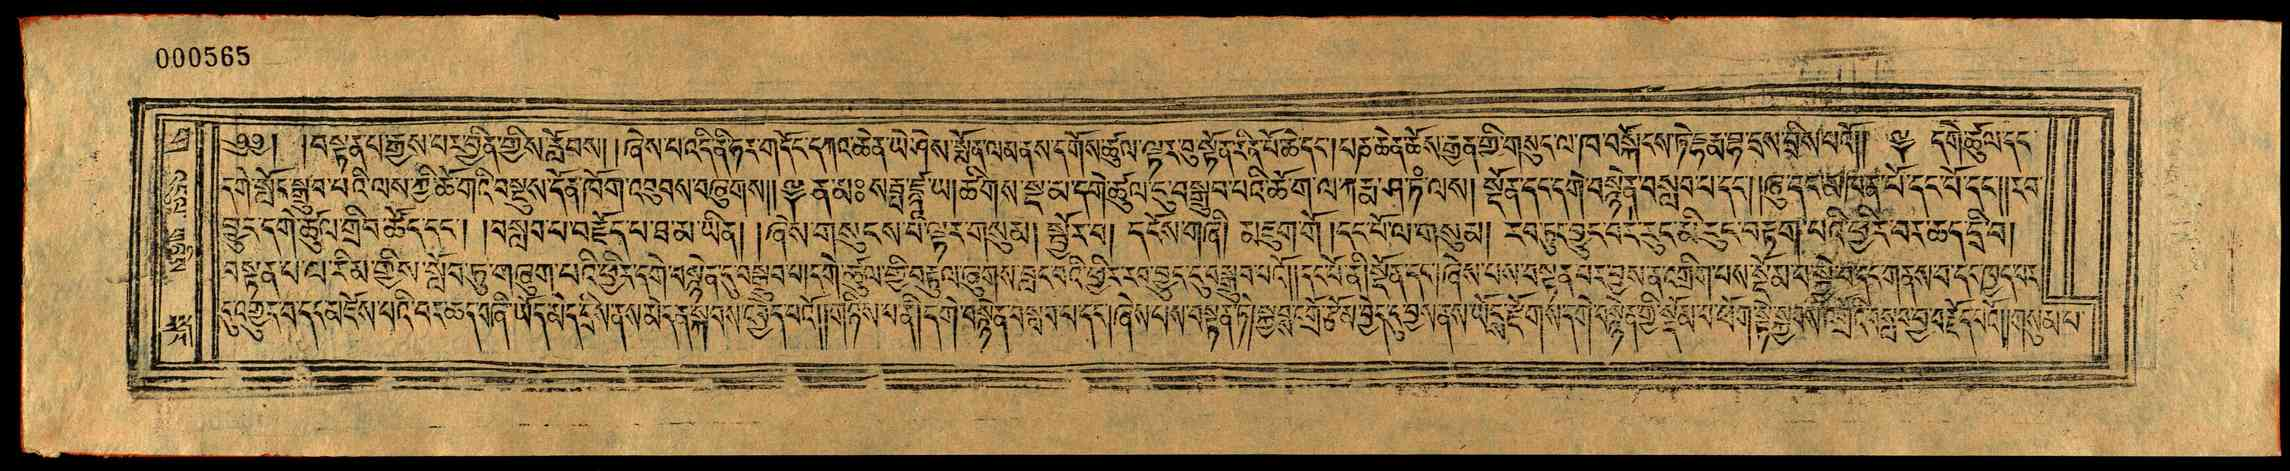༄༅། །བསྟན་པ་རྒྱས་པར་བྱིན་གྱིས་རློབས། །ཞེས་པ་འདི་ནི་ཧར་གདོང་དཀའ་ཆེན་ཡེ་ཤེས་སྨོན་ལམ་ནས་དགོས་ཚུལ་ལྟར་བུ་སྟོན་རིན་པོ་ཆེ་དང་། ཕཎ་ཆེན་ཆོས་རྒྱན་གྱི་གསུང་ལ་ཁ་བསྐངས་ཏེ་དྷརྨ་བྷ་དྲས་བྲིས་པའོ།། ༈ དགེ་དགེ་ཚུལ་དང་
དགེ་སློང་སྒྲུབ་པའི་ལས་ཀྱི་ཆོ་གའི་བསྡུས་དོན་ཁོག་འབུབས་བཞུགས།། ༈ ན་མཿ སརྦཱ་ཛྙ་ཡ། ཚིགས་སྔ་མ་དགེ་ཚུལ་དུ་བསྒྲུབ་པའི་ཆོ་ག་ལ་ཀརྨ་ཤ་ཏཾ་ལས། སྔོན་དང་དགེ་བསྙེན་བསླབ་པ་དང་། །ཞུ་དང་མཁན་པོ་དང་པོ་དང་། །རང་
བྱུང་དགེ་ཚུལ་གྲིབ་ཚོད་དང་། །བསླབ་པ་བརྗོད་པ་ཐ་མ་ཡིན། །ཞེས་གསུངས་པ་ལྟར་གསུམ། སྦྱོར་བ། དངོས་གཞི། མཇུག་གོ །དང་པོ་ལ་གསུམ། རབ་ཏུ་དབྱུང་བར་རུང་མི་རུང་བརྟག་པའི་ཕྱིར་བར་ཆད་དྲི་བ།
བསྟན་པ་ལ་རིམ་གྱིས་སློབ་ཏུ་གཞུག་པའི་ཕྱིར་དགེ་བསྙེན་དུ་བསྒྲུབ་པ། དགེ་ཚུལ་གྱི་བརྟུལ་ཞུགས་བླང་བའི་ཕྱིར་རབ་བྱུང་དུ་བསྒྲུབ་པའོ། །དང་པོ་ནི། སྔོན་དང་། ཞེས་པས་བསྟན་པར་བྱས་ན་འགྲིག་པས་སྡོམ་པ་སྐྱེ་བ་དང་གནས་པ་དང་ཁྱད་བར་
དུ་འགྱུར་བ་དང་མཛེས་པའི་བར་ཆད་བཞི་ཡོད་མེད་དྲིས་ནས་མེད་ན་སྐབས་འབྱེད་པའོ། །གཉིས་པ་ནི། དགེ་བསྙེན་བསླབ་པ་དང་། ཞེས་པས་བསྟན་ཏེ། སྐྱབ་འགྲོ་རྩོམ་བྱེད་དུ་བྱས་ནས་ཡོངས་རྫོགས་དགེ་བསྙེན་གྱི་སྔོམ་པ་ཕོག་སྟེ་སྐྱབས་འགྲོའི་བསླབ་བྱ་བརྗོད་པའོ། །གསུམ་པ་